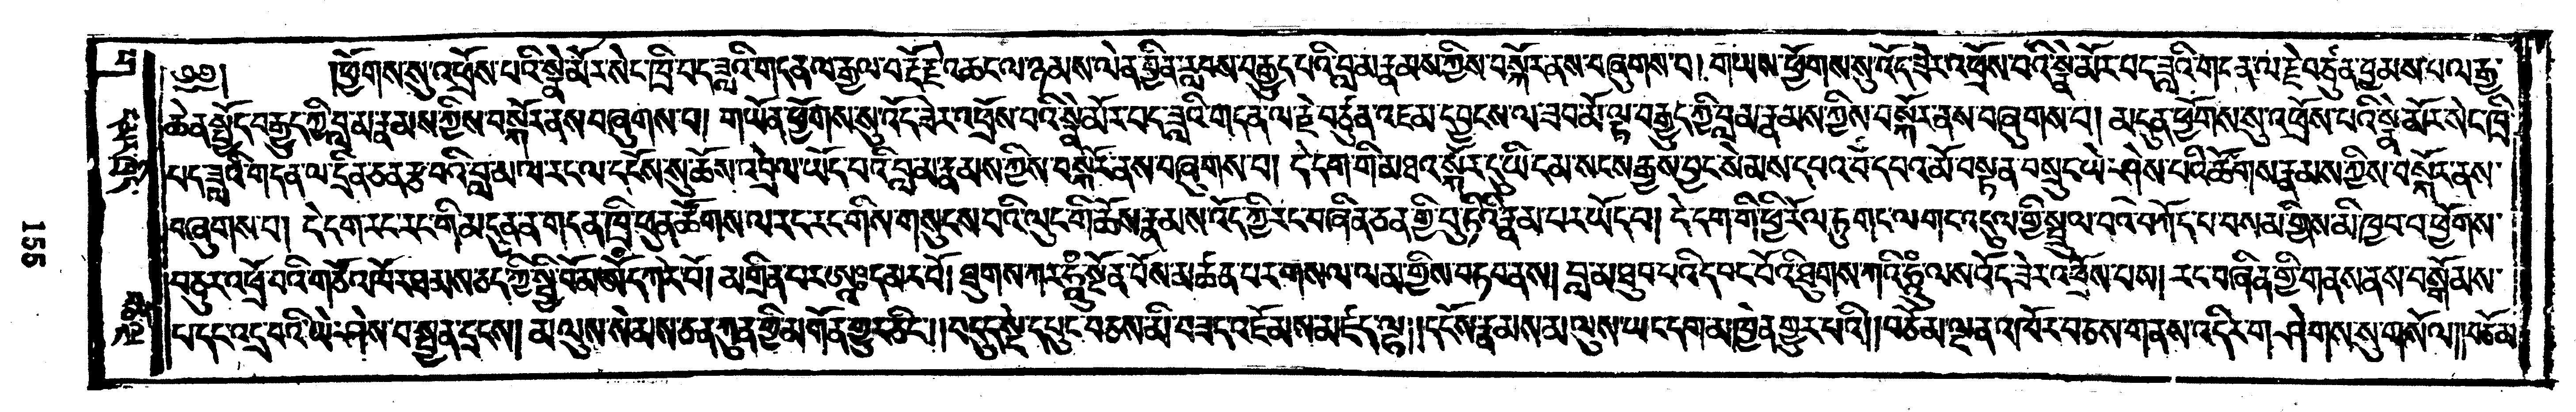༄༅། །ཕྱོགས་སུ་འཕྲོས་བའི་སྣེ་མོར་སེང་ཁྲི་པད་ཟླའི་གདན་ལ་རྒྱལ་བ་རྡོ་རྗེ་འཆང་ལ་ཉམས་ལེན་བྱིན་རླབས་བརྒྱུད་པའི་བླ་མ་རྣམས་ཀྱིས་བསྐོར་ནས་བཞུགས་པ། གཡས་ཕྱོགས་སུ་འོད་ཟེར་འཕྲོས་བའི་སྣེ་མོར་པད་ཟླའི་གདན་ལ་རྗེ་བཙུན་བྱམས་པ་ལ་རྒྱ་
ཆེན་སྤྱོད་བརྒྱུད་ཀྱི་བླ་མ་རྣམས་ཀྱིས་བསྐོར་ནས་བཞུགས་པ། གཡོན་ཕྱོགས་སུ་འོད་ཟེར་འཕྲོས་བའི་སྣེ་མོར་པད་ཟླའི་གདན་ལ་རྗེ་བཙུན་འཇམ་དབྱངས་ལ་ཟབ་མོ་ལྟ་བརྒྱུད་ཀྱི་བླ་མ་རྣམས་ཀྱིས་བསྐོར་ནས་བཞུགས་པ། མདུན་ཕྱོགས་སུ་འཕྲོས་པའི་སྣེ་མོར་སེང་ཁྲི་
པད་ཟླའི་གདན་ལ་དྲིན་ཅན་རྩ་བའི་བླ་མ་ལ་རང་ལ་དངོས་སུ་ཆོས་འབྲེལ་ཡོད་པའི་བླ་མ་རྣམས་ཀྱིས་བསྐོར་ནས་བཞུགས་པ། དེ་དག་གི་མཐའ་སྐོར་དུ་ཡི་དམ་སངས་རྒྱས་བྱང་སེམས་དཔའ་བོ་དཔའ་མོ་བསྟན་བསྲུང་ཡེ་ཤེས་པའི་ཚོགས་རྣམས་ཀྱིས་བསྐོར་ནས་
བཞུགས་པ། དེ་དག་རང་རང་གི་མདུན་ན་གདན་ཁྲི་ཕུན་ཚོགས་ལ་རང་རང་གིས་གསུངས་བའི་ལུང་གི་ཆོས་རྣམས་འོད་ཀྱི་རང་བཞིན་ཅན་གྱི་བུ་ཏིའི་རྣམ་པར་ཡོད་པ། དེ་དག་གི་ཕྱི་རོལ་ཏུ་གང་ལ་གང་འདུལ་གྱི་སྤྲུལ་པའི་བཀོད་པ་བསམ་གྱིས་མི་ཁྱབ་པ་ཕྱོགས་
བཅུར་འཕྲོ་བའི་གཙོ་འཁོར་ཐམས་ཅད་ཀྱི་སྤྱི་བོ་མ་ཨོཾ་དཀར་པོ། མགྲིན་པར་ཨཱཿདམར་པོ། ཐུགས་ཀར་ཧཱུཾ་སྔོན་པོས་མཚན་པར་གསལ་ལམ་གྱིས་བཏབ་ནས། བླ་མ་ཐུབ་པའི་དབང་པོའི་ཐུགས་ཀའི་ཧཱུཾ་ལས་འོད་ཟེར་འཕྲོས་པས། རང་བཞིན་གྱི་གནས་ནས་བསྒོམས་
པ་དང་འདྲ་བའི་ཡེ་ཤེས་པ་སྤྱན་དྲངས། མ་ལུས་སེམས་ཅན་ཀུན་གྱི་མགོན་གྱུར་ཅིང་། །བདུད་སྡེ་དཔུང་བཅས་མི་བཟད་འཇོམས་མཛད་ལྷ། །དངོས་རྣམས་མ་ལུས་ཡང་དག་མཁྱེན་གྱུར་པའི། །བཅོམ་ལྡན་འཁོར་བཅས་གནས་འདིར་གཤེགས་སུ་གསོལ། །བཅོམ་